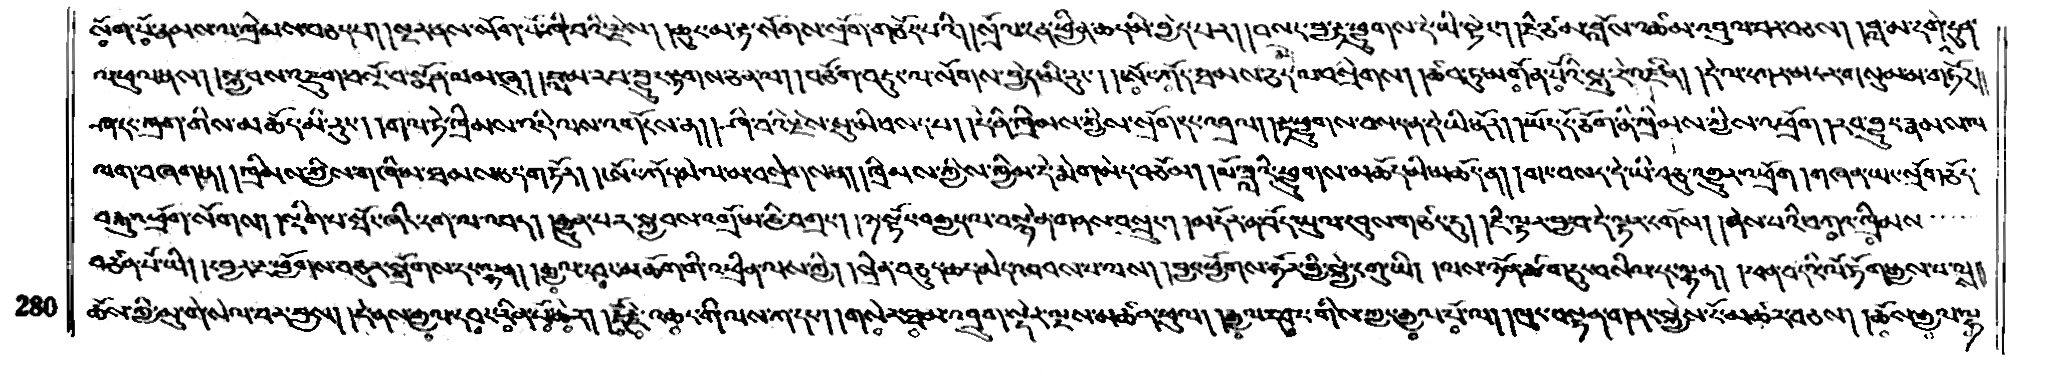སོག་པོ་རྣམས་ལ་ཁྲིམས་བཅད་པ། །སྔར་ནས་སོག་པོ་ཤི་བའི་རྗེས། །ཆུང་མ་རྟ་སོགས་སྲོག་གཅོད་པའི། །སྲོལ་ངན་ཕྱིན་ཆད་མི་བྱེད་པར། །བསང་བྱ་རྟ་ཕྱུགས་དེ་ཡི་སྟེང་། །ཇི་ཙམ་བློས་འཚམ་འབུལ་བར་བཅས། །བླ་མ་དགེ་འདུན།།
ལ་ཕུལ་ནས། །སྐྱབས་འཇུག་བསྔོ་བ་སྨོན་ལམ་ཞུ། །བླ་མ་རབ་བྱུང་རྟགས་ཅན་ལ། །བཙོག་བརྡུང་ལ་སོགས་བྱེད་མི་རུང་། །ཨོང་ཀོད་ཐམས་ཅད་མེ་ལ་བསྲེགས། །ཚབ་ཏུ་མགོན་པོའི་སྐུ་རེ་འཛིན། །དེ་ལ་དཀར་མངར་གསུམ་མ་གཏོར།།
ཤ་དང་ཁྲག་གིས་མཆོད་མི་རུང་། །གལ་ཏེ་ཁྲིམས་འདི་ལས་འགོངས་ན། །ཤི་བའི་རྗེས་སུ་མི་བསད་པ། །དེ་ནི་ཁྲིམས་ཀྱིས་སྲོག་དང་འབྲལ། །རྟ་ཕྱུགས་བསད་ན་དེ་ཡི་ནོར། །ཡོད་དོ་ཅོག་ནི་ཁྲིམས་ཀྱིས་འཕྲོག །རབ་བྱུང་རྣམས་ལ་
ལག་བཞག་ན། །ཁྲིམས་ཀྱིས་གཞི་མ་ཐམས་ཅད་གཏོར། །ཨོང་ཀོད་མེ་ལ་མ་བསྲེགས་ན། །ཁྲིམས་ཀྱིས་ཁྱིམ་དེ་རྨེག་མེད་བཅོམ། །ལོ་ཟླའི་ཕྱུགས་མཆོད་མི་མཆོད་ན། །གང་བསད་དེ་ཡི་བཅུ་འགྱུར་འཕྲོག །གཞན་ཡང་སྲོག་ཅོད་
བརྐུ་འཕྲོག་སོགས། །སྡིག་པ་སྤོང་ཞིང་དག་ལ་འབད། །རྒྱུན་པར་སྐྱབས་འགྲོ་མ་ཎྱི་བགྲང་། །ཉ་སྟོང་བརྒྱད་ལ་བསྙེན་གནས་བསྲུང་། །མདོར་ན་བོད་ཡུལ་དབུས་གཙང་དུ། །ཇི་ལྟར་བྱ་བ་དེ་ལྟར་དགོས། །ཞེས་པའི་བཀའ་ཁྲིམས་
བཙན་པོ་ཡི། །དབྱར་རྔ་ཕྱོགས་བཅུར་སྒྲོགས་དང་ལྷན། །རྒྱལ་དབང་མཆོག་གི་འཕྲིན་ལས་ཀྱི། །སྤྲིན་བཅུད་ཆད་མེད་འབབས་པ་ལས། །བྱང་ཕྱོགས་ཧོར་གྱི་སྐྱེ་དགུ་ཡི། །ལས་ཉོན་ཚ་གདུང་བསིལ་དང་ལྷན། །ཕན་བདེའི་ལོ་ཏོག་རྒྱས་པ་ལས།།
ཆོས་ཀྱི་མུ་གེ་སེལ་བར་བྱས། །དེ་ནས་རྒྱལ་དབང་རིན་པོ་ཆེར། །རྡོ་རྗེ་འཆང་གི་ལས་ཀ་དང་། །གསེར་ཐམ་འབྲུག་སྡེར་ལྔར་མཚན་ཕུལ། །རྒྱལ་དབང་གིས་ཀྱང་རྒྱལ་པོ་ལ། །ལུང་བསྟན་གནང་སྐྱེས་ངོ་མཚར་བཅས། །ཆོས་རྒྱལ་ལྷ་